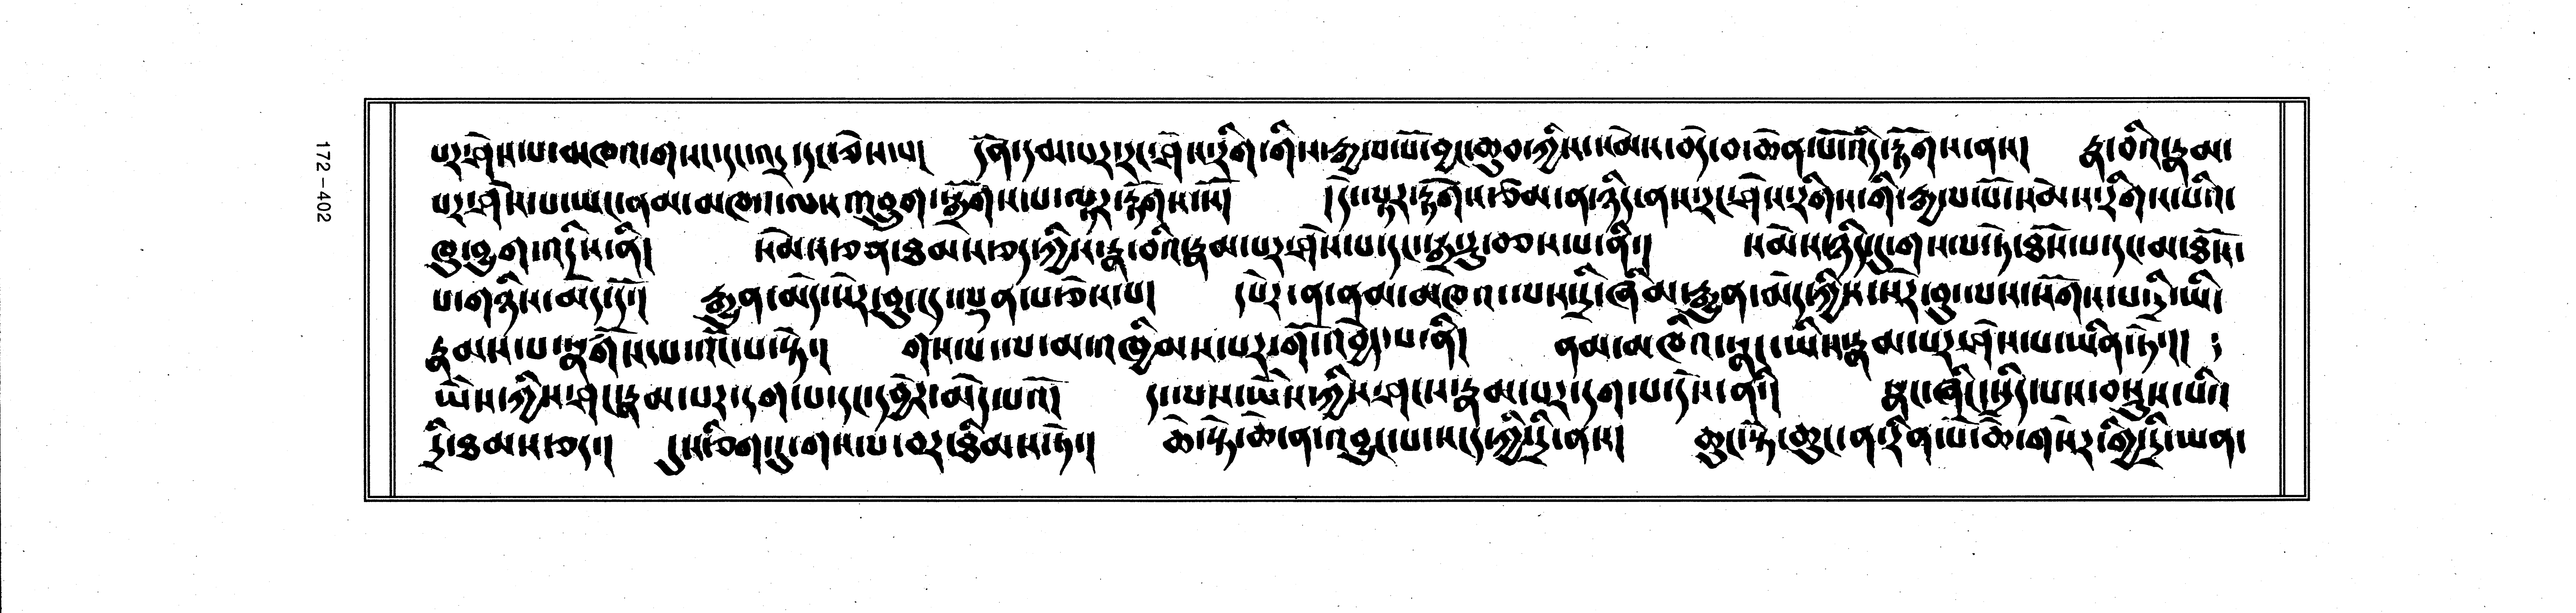པར་ཤེས་པ་མཁའ་གསང་དང་འདྲ་དང་ཅེས་པ། དོན་དམ་པར་རང་ཤེས་རིག་གིས་རྒྱལ་པོ་བྱང་ཆུབ་ཀྱིས་སེམས་བདེ་བ་ཆེན་པོ་འདི་རྟོགས་ནས། རྣ་བའི་རྣམ་
པར་ཤེས་པ་ཡང་ནམ་མཁའ་ལས་འབྲུག་སྒྲོགས་པ་ལྟར་རྟོགས་སོ། དེ་ལྟར་རྟོགས་ཙམ་ན་ཉིད་ནས་རང་ཤེས་རིགས་གི་རྒྱལ་པོ་སེམས་རིགས་པའི་
ཁུ་བྱུག་འདིས་ནི། སེམས་ཅན་ཐམས་ཅད་ཀྱིས་རྣ་བའི་རྣམ་པར་ཤེས་པ་དང་སྒྲ་རུ་བཅས་པ་ནི། སེམས་ཉིད་དུ་གསལ་ཏེ་ཐོས་པ་དང་མ་ཐོས་
པ་གཉིས་མེད་དོ། རྒྱུན་མེད་སེར་བུ་ངད་ལྡན་པ་ཅེས་པ། དཔེར་ན་ནམ་མཁའ་ལས་དྲི་ཞིམ་རྒྱུན་མེད་ཀྱིས་སོར་བུ་ལས་སོགས་པ་དྲི་ཡི་
རྣམ་པ་སྣ་ཚོགས་པ་འོང་པ་སྟེ། གསལ་ལ་མ་འཁྱིམས་པར་གོ་འབྱེད་པ་ནི། ནམ་མཁའི་སྣ་ཡིས་རྣམ་པར་ཤེས་པ་ཡིན་ཏེ། 
ཡེ་ཤེས་ཀྱིས་ཤངས་རྣམ་པར་དག་པ་དང་དབྱེར་མེད་པའོ། དེ་ལས་ཡེ་ཤེས་ཀྱིས་ཤངས་རྣམ་པར་དག་པ་དེས་ནི། སྣང་ཞིང་སྲིད་པས་བསྡུས་པའི་
དྲི་ཐམས་ཅད། དུས་ཅིག་དུ་གསལ་བར་ཐིམས་ཏེ། ཆེ་སྟེ་ཆེ་ན་འབྱུང་པ་སང་ངད་ཀྱི་དྲི་ནས། ཆུང་སྟེ་ཆུང་ན་རིན་པོ་ཆེ་གསེར་གྱི་དྲི་ཡན་